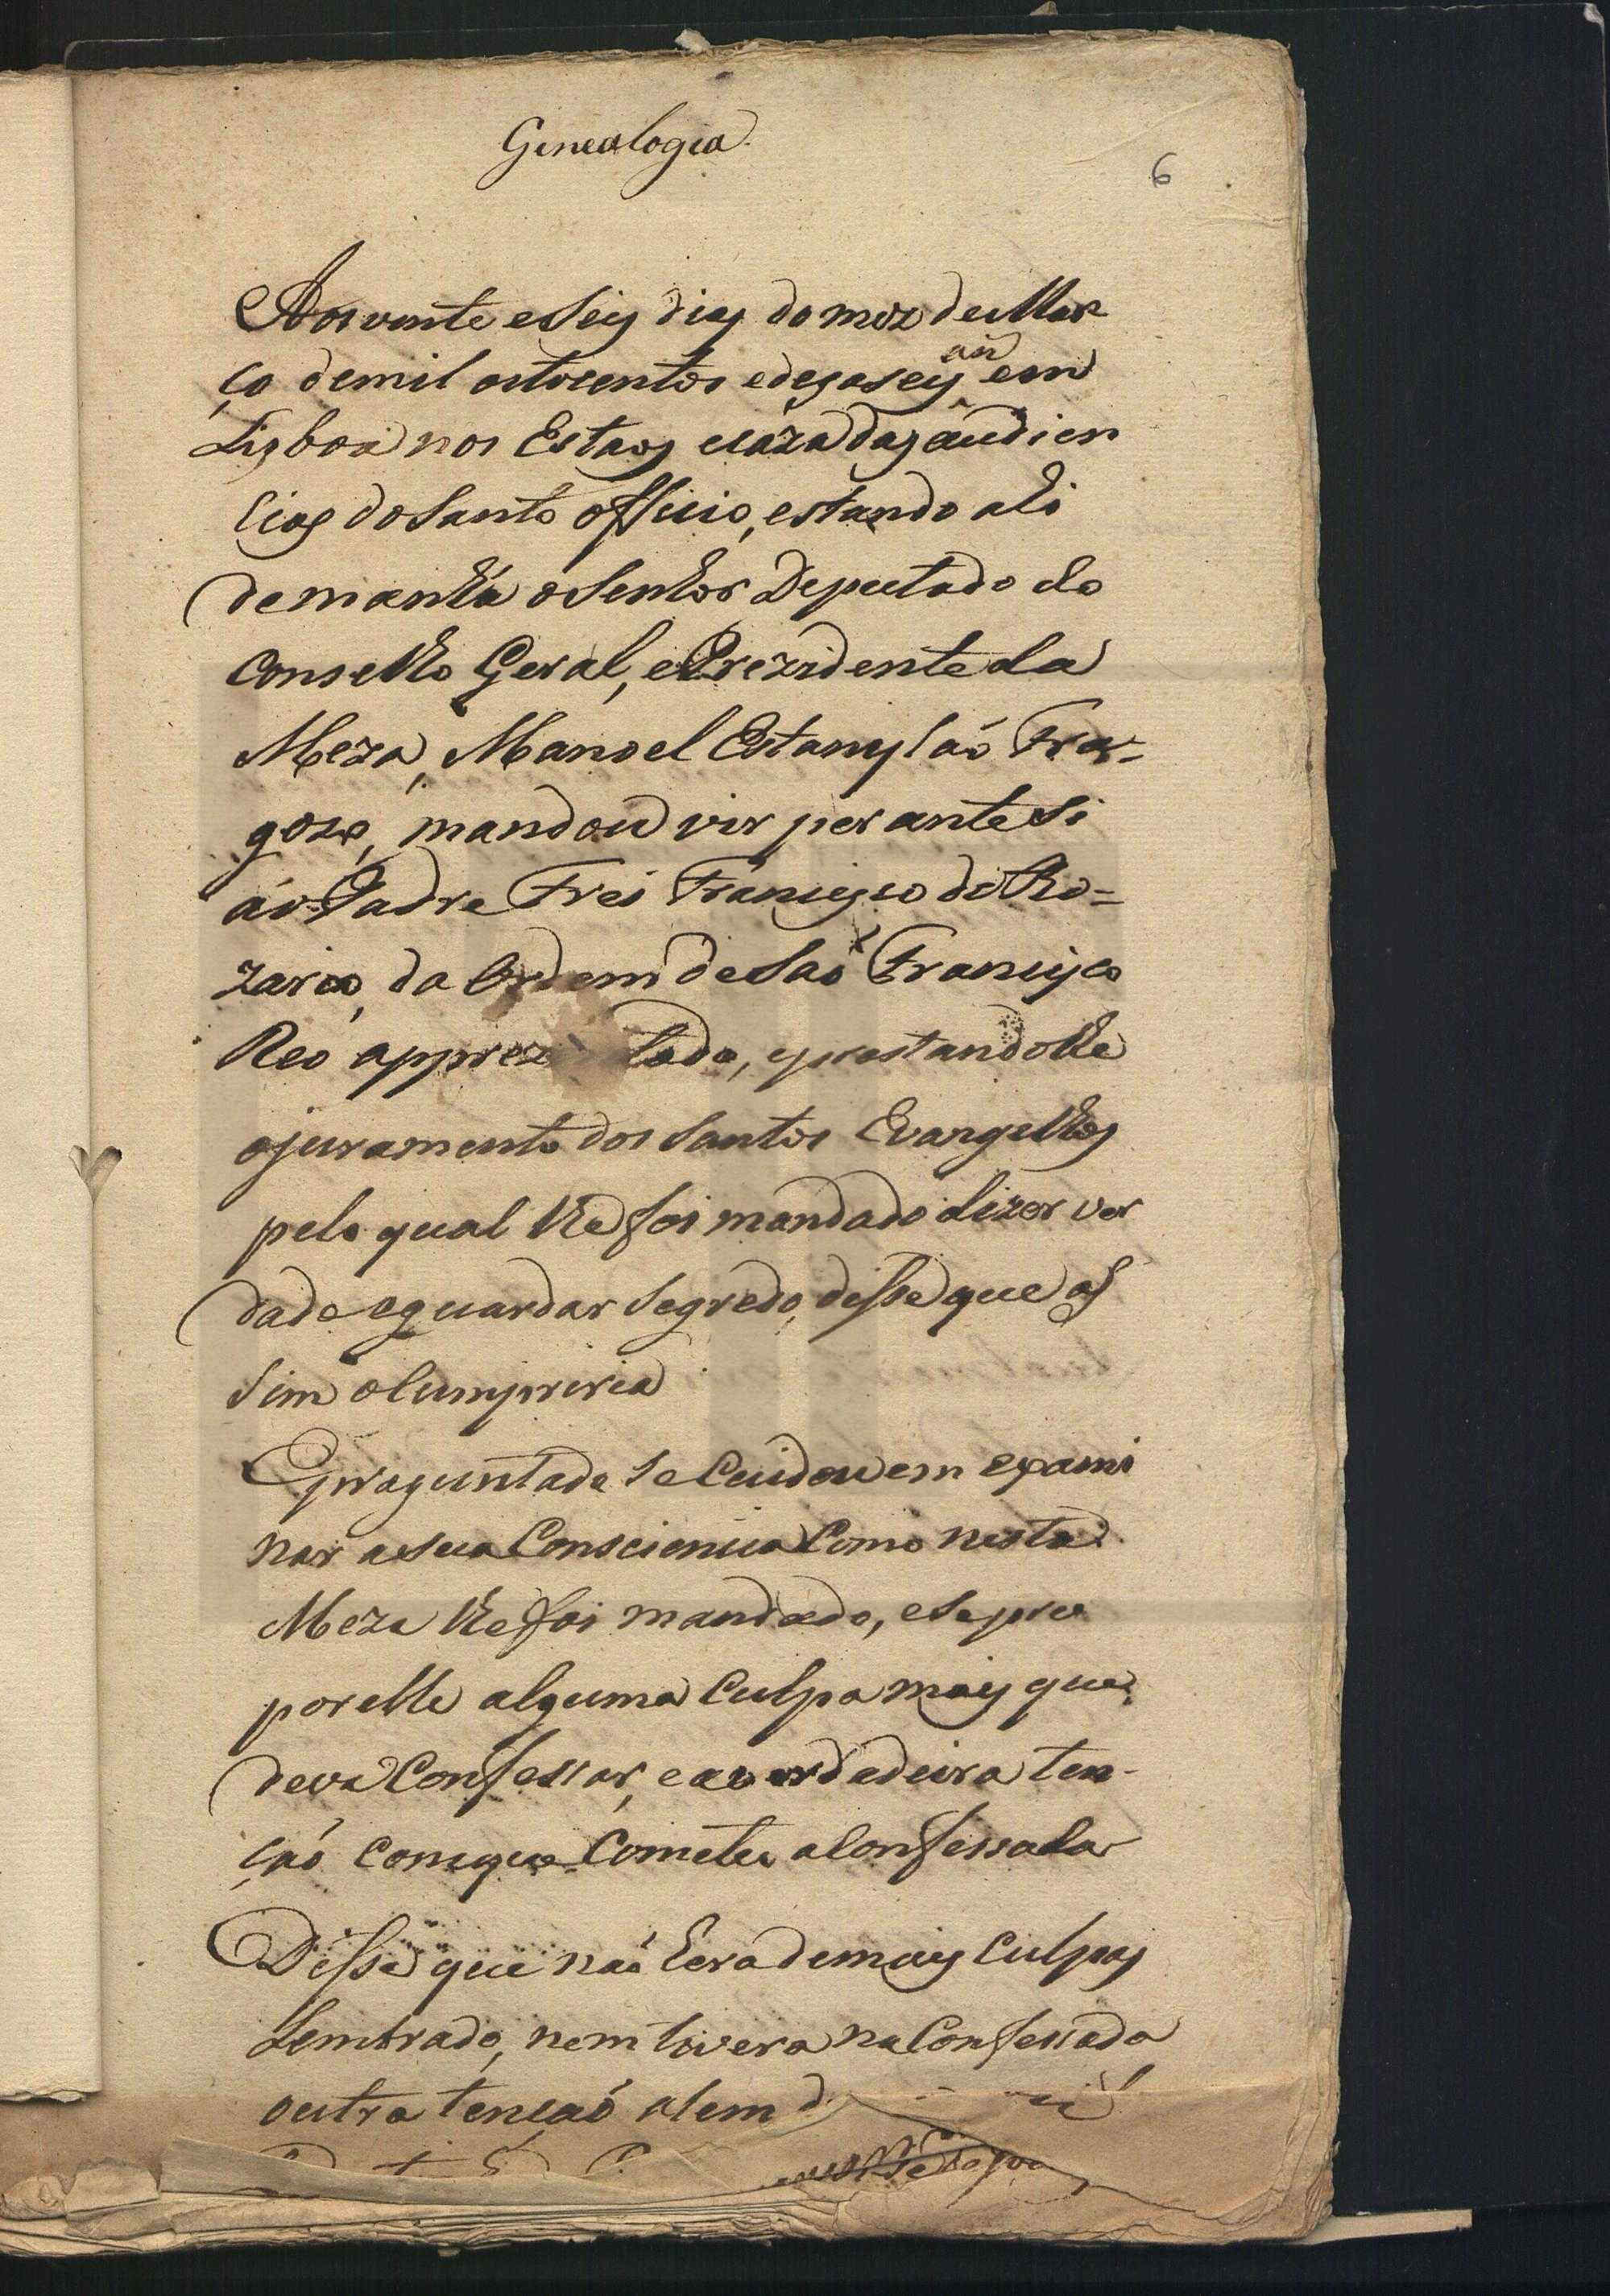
Genealogia.
Aos vinte e seis dias do mez de Mar
ço de mil oitocentos e dezaseis an̄ em
Lizboa nos Estaos e caza das audien
cias do Santo officio, estando ahi
de manhã o Senhor Deputado do
conselho Geral, e Prezidente da
Meza Manoel Estanislaó Fra
gozo, mandou vir perante si
ao Padre Frei Francisco do Ro
zario, da Ordem de Saõ Francisco
Reo apprez_tado, e prestandolhe
o juramento dos Santos Evangelhos
pelo qual lhe foi mandado dizer ver
dade e guardar segredo, disse que as
sim o Cumpriria
E proguntado se cuidou em exami
nar a sua Consciencia Como nesta
Meza lhe foi mandado, e se pro
por elle alguma culpa mais que
deva confessar, e a verdadeira ten
çaõ com que cometeo a confessada
Disse que naõ hera de mais culpas
Lembrado, nem tivera na Confessada
outra tençaõ alem d
